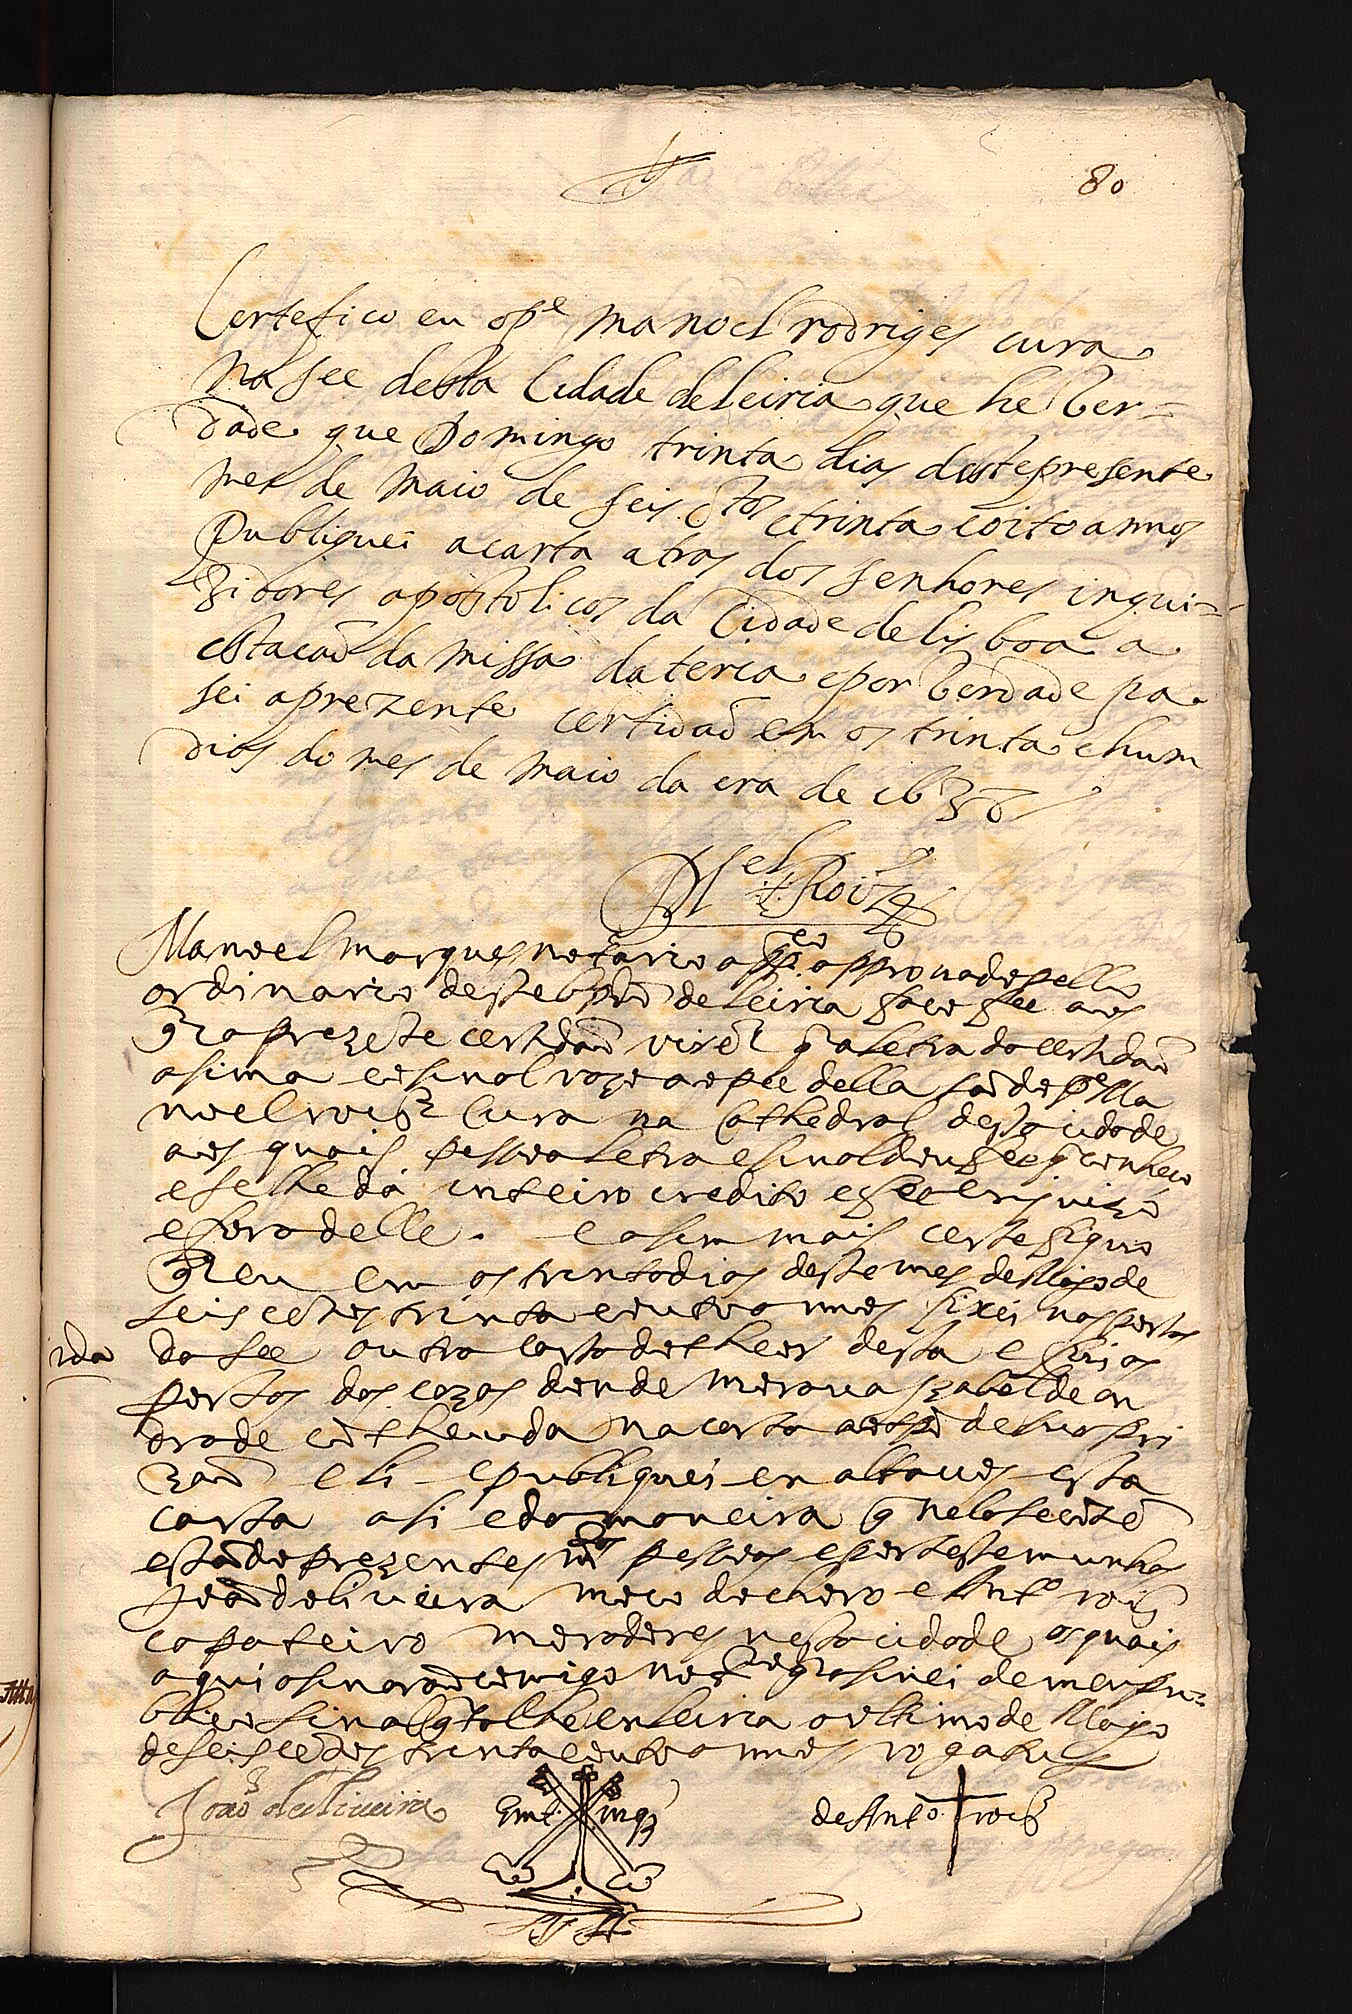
Certefico eu o pe manoel rodriges cura
na see desta Cidade de Leiria que he ver
dade que Domingo trinta dias deste presente
mes de maio de seisctos e trinta e oito annos
Publiquei a carta atras dos senhores inqui
zidores apostolicos da Cidade de lisboa a
estacaõ da missa da terca e por verdade pa
sei a prezente certidaõ em os trinta e hum
dias do mes de maio da era de 1638
Manoel marques notario app̄co approuado pello
ordinario deste bpdō de leiria faco fee aos
q̄ ha prezete certidão virē q̄ a letra da certidaõ
asima e o sinal razo ao pee della sā do p̄e Ma
noel roiz̄ Cura na Cathedral desta cidade
aos quais pessoa letra e sinal dou fee q̄ conheço
e se lhe dá inteiro credito e fee em juizo
e fora delle.
e asim mais certefiquo
q̄ eu em os trinta dias deste mes de Majo de
seiscetos trinta e outo annos fixei nas portas
da see outra carta do theor desta e fui as
portas das cazas donde moraua jzabel de an
drade cōtheuda na carta ao tpō de sua pri
zaõ e li e publiquei en alta uos esta
carta asi e da maneira q̄ nela se cōtē
estādo prezentes mtas pessoas e por testemunhas
João doliueira moco do choro e Anto roiz̄
capateiro moradores nesta cidade os quais
aqui asinarão comigo notro q̄ asinei de meu pu
blico sinal q̄ tal he en leiria o vltimo de Mayo
de seiscētos trinta e outo annos rogato
